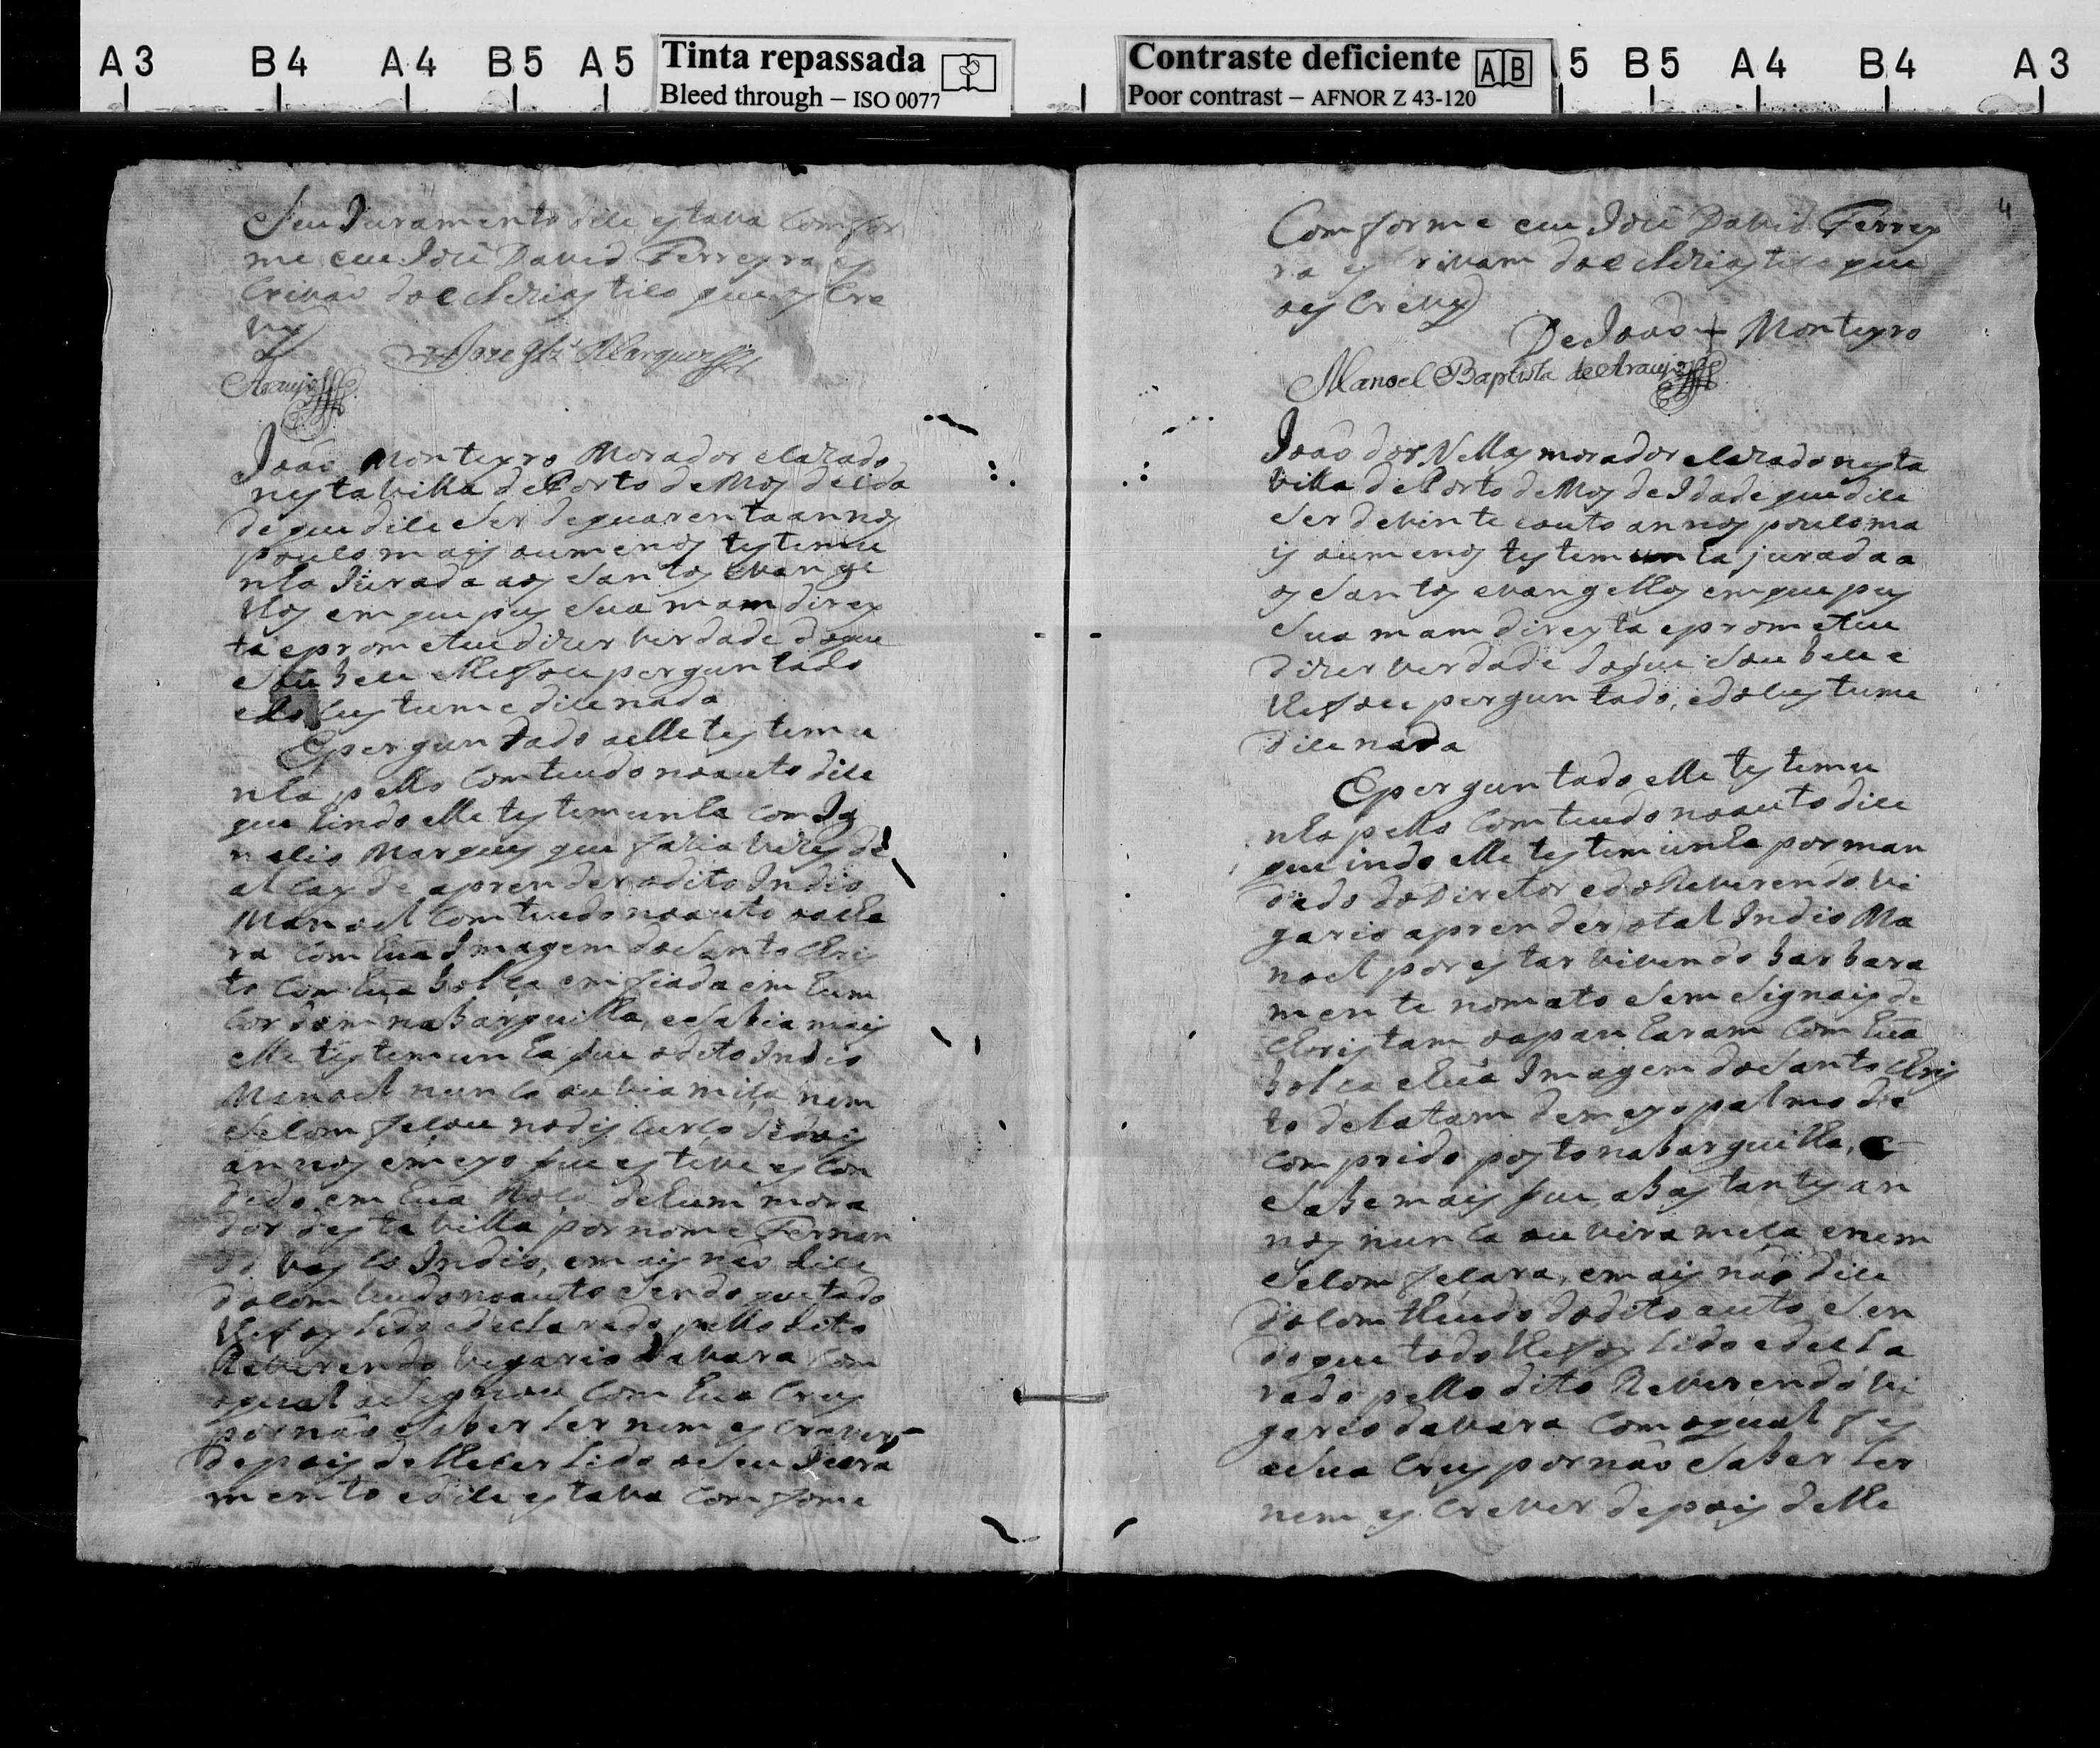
seu Iuramento dice estava Comfor
me e eu Iozé Dauid Ferreyra es
Crivaõ do ecleziastico que esCre
vy
Joze Glz̄ Marquez
Araujo
Joaõ Monteyro morador e cazado
nesta villa de Porto de Mos de ida
de que dice ser de quarenta annos
pouco mais ou menos testemu
nha Iurada aos Santos Evange
lhos em que pus sua mam direy
ta e prometeu dizer verdade do que
soubece e lhe foce perguntado
e do custume dice nada
E perguntado a elle testemu
nha pello conteudo no auto dice
que hindo elle testemunha com Ig
nacio Marques que fazia vezes de
alcayde a prender o dito Indio
Manoel Comteudo no auto o acha
ra com huā Imagem do Santo chris
to com huā bolça emfiada em hum
Cordam na barguilha, e sabia mais
elle testemunha que o dito Indio
Manoel nunca ouvia miça nem
se comfeçou no disCurço de dois
annos e meyo que esteue escon
dido em huā Roça de hum mora
dor desta villa por nome Fernan
do vasco Indio, e mais naõ dice
do comteudo no auto sendo que todo
lhe foy lido e declarado pello dito
Reverendo Vigario da vara com
a qual asignou Com hua Crus
por naõ saber ser nem escrever
depois de lhe cer lido o seu Iura
mento e dice estava comfome
Conforme e eu Ioze David Ferrey
ra esCrivam do ecleziastico que
o escreuy
De Ioaõ+ Monteyro
Manoel Baptista de Araujo
Ioaõ dorNellas morador e Cazado nesta
villa de Porto de Mos de Idade que dice
ser de vinte e outo annos pouco ma
is ou menos testemunha jurada a
os Santos evangelhos em que pus
Sua mam direyta e prometeu
dizer verdade do que soubece e
lhe foce perguntado, e do custume
dice nada
E perguntado elle testemu
nha pello Comteudo no auto dice
que indo elle testemunha por man
dado do Diretor e do Reverendo ve
gario aprender o tal Indio Ma
noel por estar vivendo barbara
mente no mato sem signais de
christam o apanharam com huā
bolça e huā Imagem do Santo chris
to de latam de meyo palmo de
comprido posto na barguilha, e
sabe mais que abastantes an
nos nunca ouvira meça e nem
Se comfeçara, e mais naõ dice
do comtheudo do dito auto Sen
do que todo lhe foy lido e decla
rado pello dito Reverendo vi
gario da vara com o qual fes
a sua crus por não saber Ler
nem escrever depois delle
